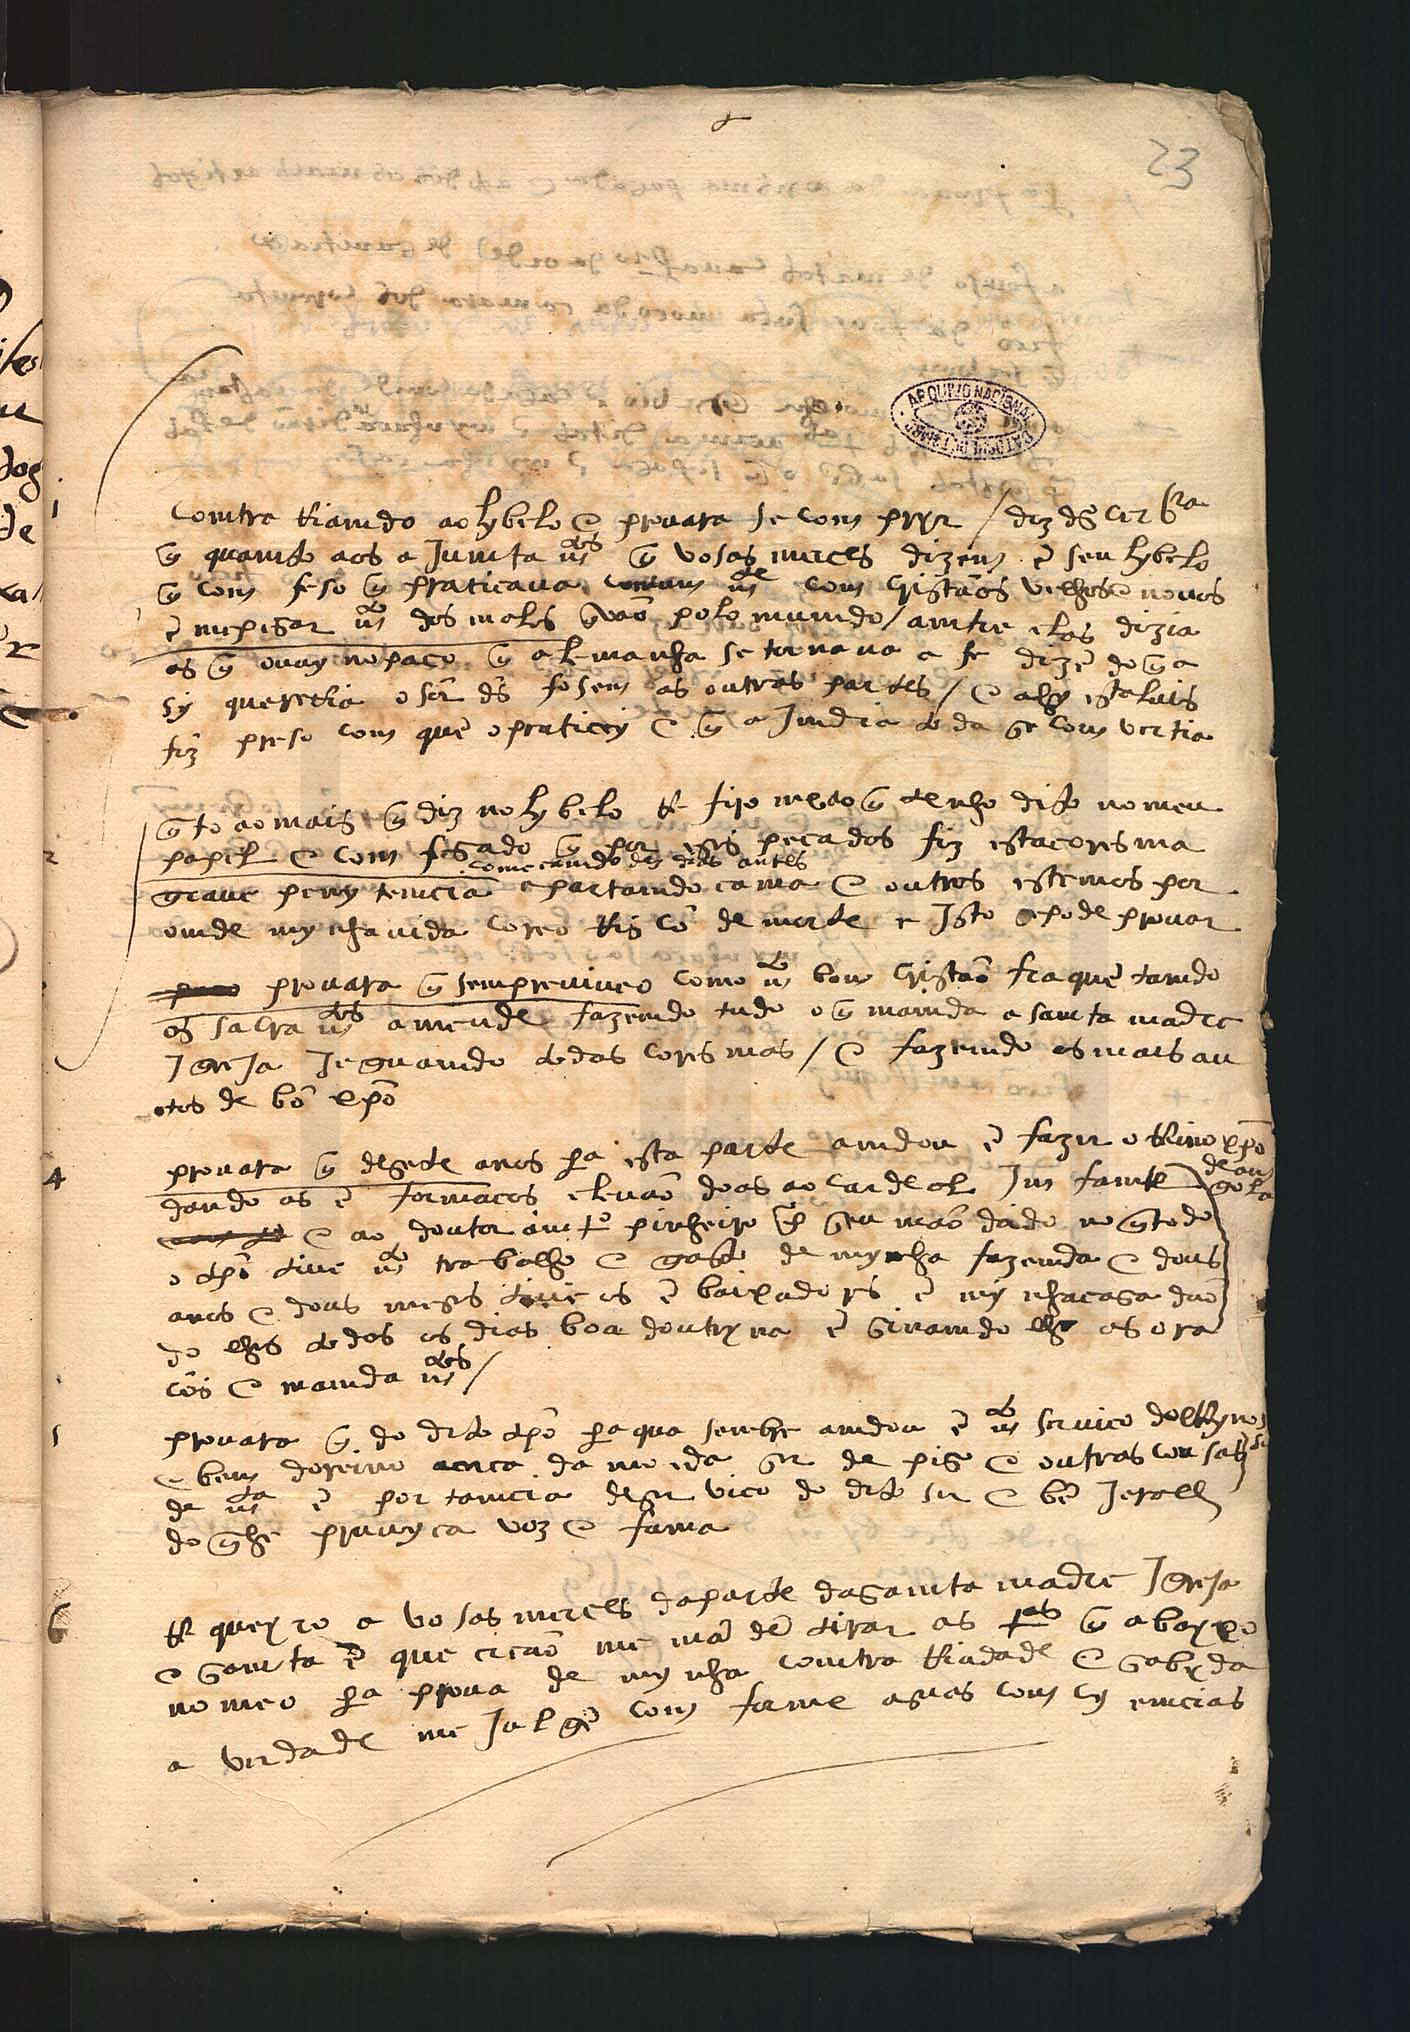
comtraRiamdo ao Lybelo e prouara se compryr / diz dso cervra
q̄ quamto aos aJumtamtos q̄ vosas merces dizem ē seu Lybelo
q̄ comfeso q̄ praticaua comummte com cristãos velhos e nouos
ē me pesar mto dos males q̄ vão polo mumdo / amtre elas dizia
os q̄ ouuy no paco q̄ alemanha se tornaua a fe dizēdo q̄ a
sy quereRia o sor̄ ds̄ fosem as outras partes / e ahy esta luis
frz̄ preso com quē o praticey e q̄ a Jmdia toda se convertia
q̄to ao mais q̄ diz no Lybelo Refiro me do q̄ tenho dito no meu
papeL e comfesado q̄ por eses pecados fiz esta coresma
comecamdo des dias antes
graue penytencia apartamdo cama e outros estemos por
omde mynha uida coreo Risco de morte e Jsto o pode prouar
__ prouara q̄ sempre uiueo como mto bom cristão fraquētamdo
os sacramtos a meude fazemdo tudo o q̄ mamda a samta madre
JgreJa Jeguamdo todas coresmas / e fazemdo os mais au
tos de bō xpō
prouara q̄ de sete anos ꝑa esta parte amdou ē fazer o Reino xpō
dando as ēformacos e leuãodoas ao cardeaL Jmfamte
__ e ao doutor amto pinheito p̄ seu maõdado no q̄ todo
o tpō tiue mto trabalho e gasto de mynha fazemda e dous
anos e dous meses tiue os ēbaixadores ē mynha casa daõ
do lhes todos os dias boa doutryna ēsinamdo lhe as ora
cōs e mamdamtos
prouara q̄ do dito tpō ꝑa qua sembre amdou ē mto seruico del Rey no
e bem do reino acerca da moeda ser de piso e outras cousas
de mta ēportamcia de servico do dito sor e bē Jerall
do q̄ he pruuyca voz e fama.
Requeyro a vosas merces da parte da samta madre JgreJa
e samta ēquecicaõ me mādē tirar as tas q̄ abayxo
nomeo ꝑa proua de mynha comtraRiadade e sabyda
a verdade me Julgē comforme a suas comcyemcias
